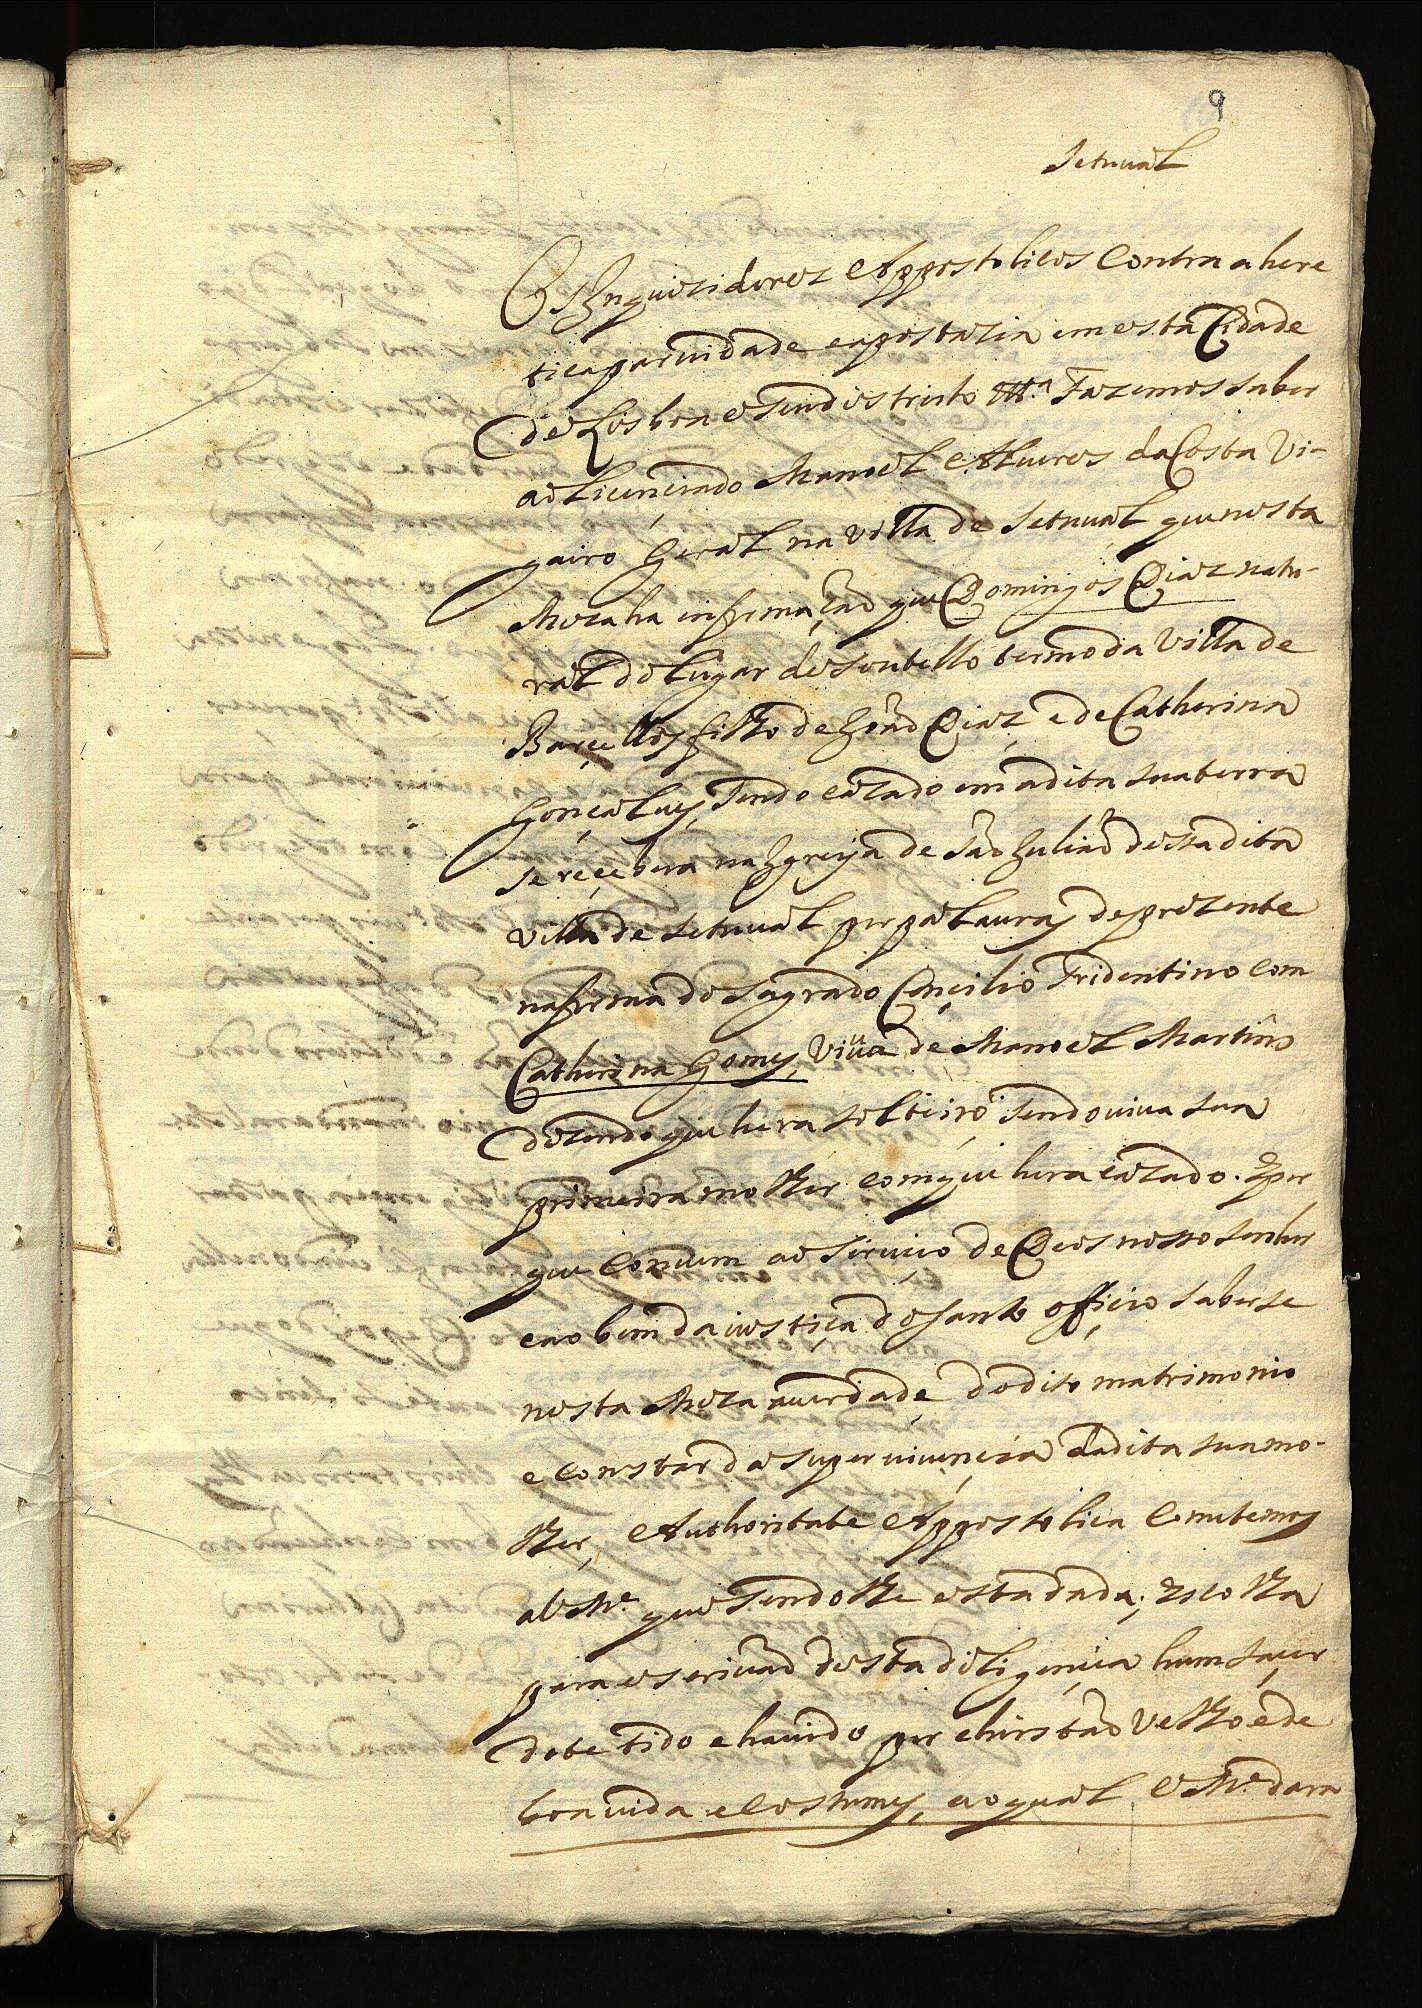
setuuaL
Os Inquizidorez Appostolicos contra a here
tica paruidade e apostazia em esta Cidade
de Lisboa e seu districto ett.a Fazemos saber
ao Licenciado Manoel Alueres da Costa vi
gairo Geral na villa de Setuual que nesta
Meza há informação que Domingos Diaz natu
ral do lugar de soutello termo da villa de
Barcellos filho de Joaõ Diaz, e de Catherina
Gonçalues sendo cazado em a dita sua terra
se recebera na Jgreya de saõ Juliaõ desta dita
villa de setuual por palauras de prezente
na forma do Sagrado Concilio Tridentino com
Catherina Gomes, viuua de Manoel Martins
dizendo que hera solteiro, sendo uiua sua
primeira molher com que hera cazado. E por
que conuem ao seruiço de Deos nosso senhor
e ao bem da iustiça do santo officio saber se
nesta Meza a uerdade do dito matrimonio
e constar da superuiuencia da dita sua mo
lher, Authoritate Appostolica cometemos
a V M.e que sendolhe esta dada; Escolha
para escriuaõ desta diligencia hum sacer
dote tido e hauido por christaõ velho e de
boa uida e costumes, ao qual V M.e dara
